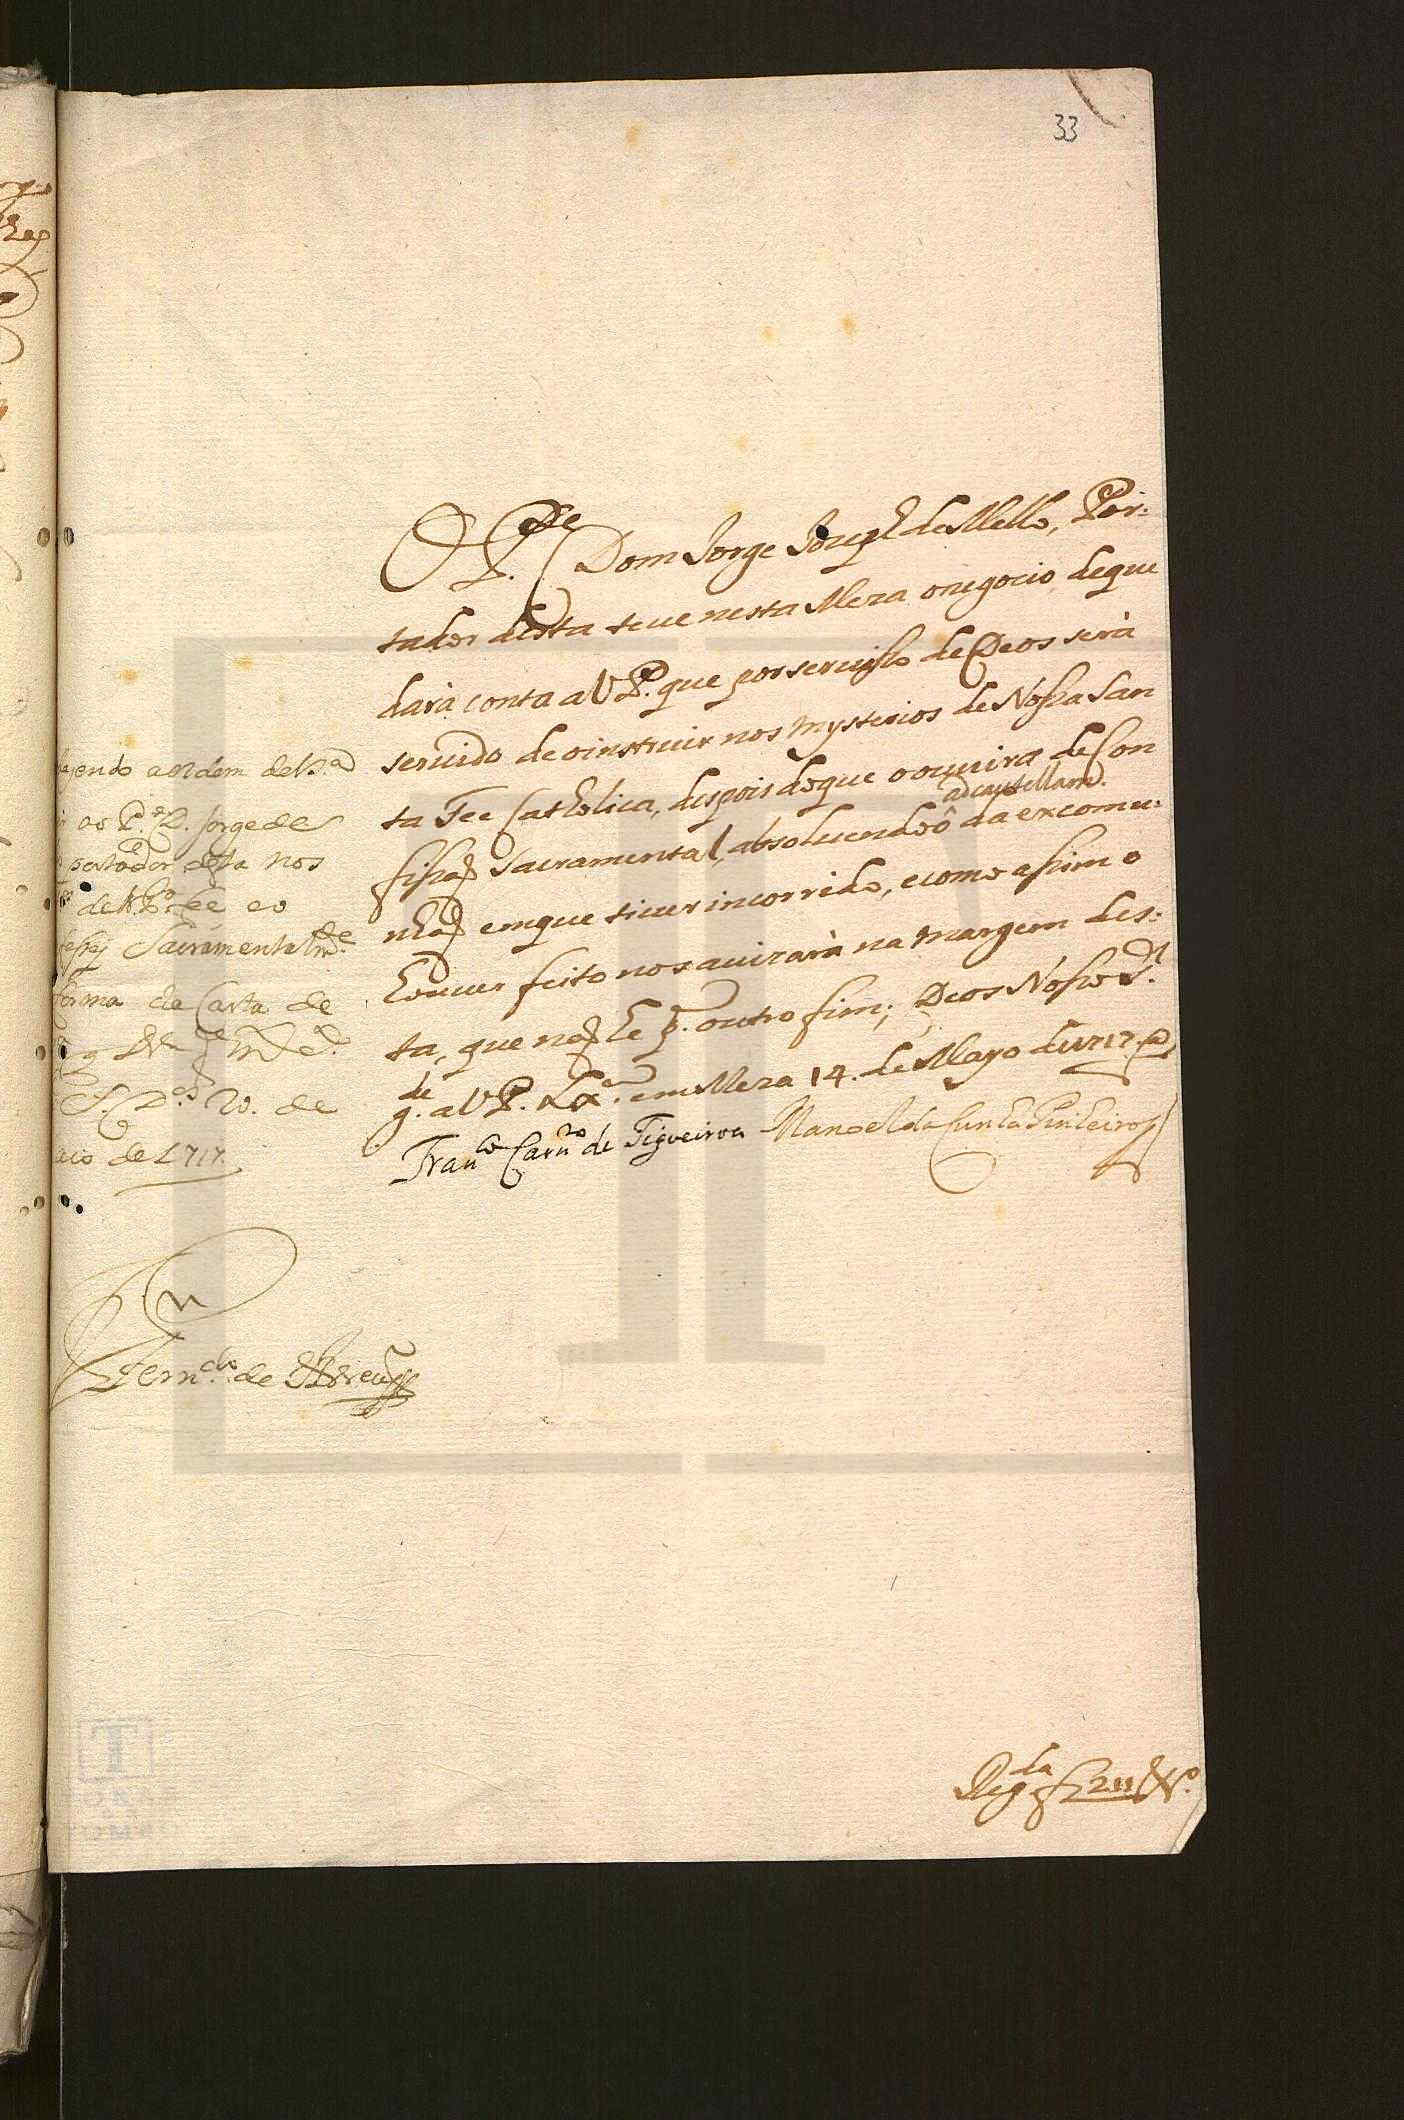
O P.e Dom Iorge Iozeph de Mello, Por
tador desta teue nesta Meza o negocio de que
darà conta a V P. que por servisso de Deos serà
seruido de o instruir nos mysterios de Nossa San
ta Fee Catholica, despois do que o ouuira de Con
fissaõ sacramental, absoluendo o
ad cautellam
da excomu
nhaõ em que tiuer incorrido, e como assim o
houuer feito nos auizará na margem des
ta, que naõ he p.a outro fim; Deos Nosso s.or
g.de a V P. Lx.a em Meza 14. de Mayo de 1717 ā
Franco Carnro de Figueiroa
Manoel da Cunha Pinheiro
Reg.da fl 211 v.o
desendo a ordem de V s.a
ao P.e D. Jorge de
portador desta nos
de N. S.a fee, e o
fessej Sacramentalm.te
forma da Carta de
q̄ Ds̄ gde mtos ā.
S. D.os 20. de
aio de 1717.
Fern.do de Abreu
